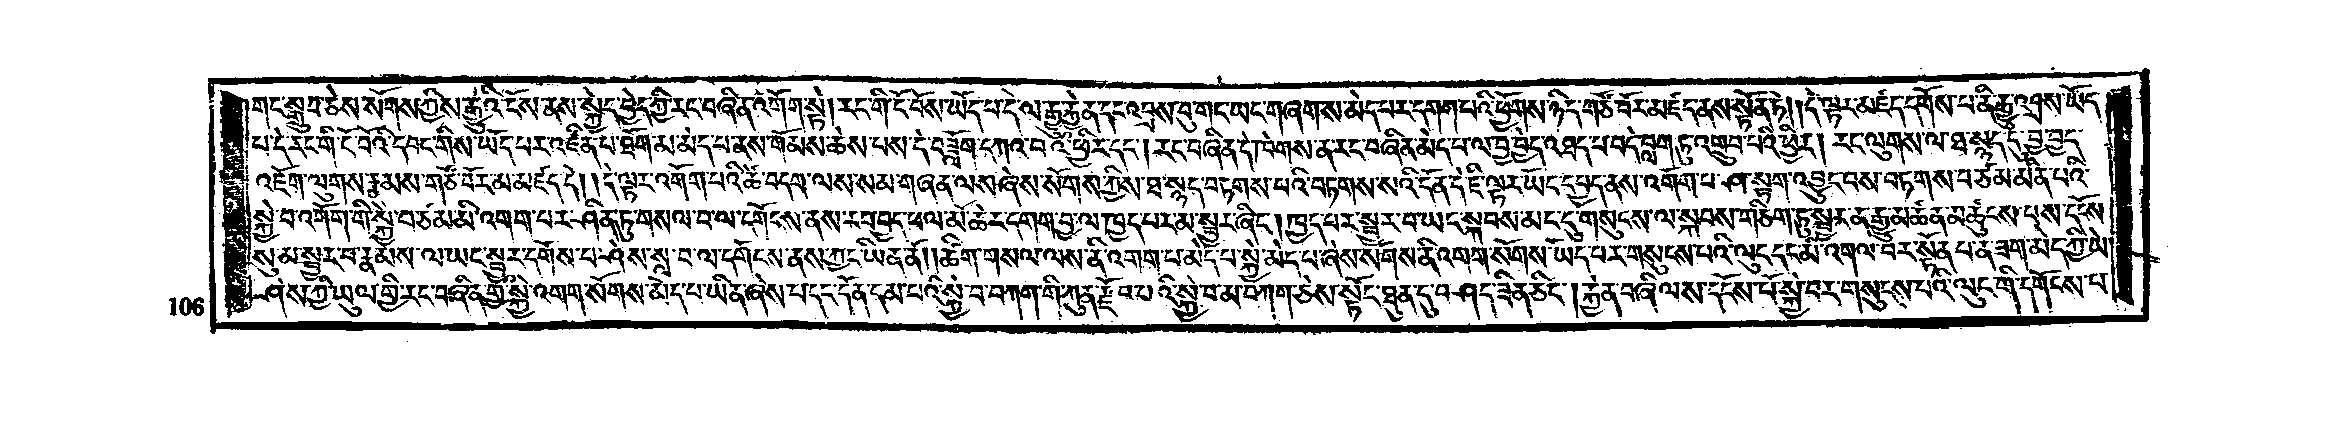གང་སྒྲུབ་ཅེས་སོགས་ཀྱིས་རྒྱུའི་ངོས་ནས་སྐྱེད་བྱེད་ཀྱི་རང་བཞིན་འགོག་སྟེ། རང་གི་ངོ་བོས་ཡོད་པ་དེ་ལ་རྒྱུ་རྐྱེན་དང་འབྲས་བུ་གང་ཡང་གཞག་ས་མེད་པར་དགག་པའི་ཕྱོགས་ཉིད་གཙོ་བོར་མཛད་ནས་སྟོན་ཏོ། །དེ་ལྟར་མཛད་དགོས་པ་ནི་རྒྱུ་འབྲས་ཡོད་
པ་དེ་རང་གི་ངོ་བོའི་དབང་གིས་ཡོད་པར་འཛིན་པ་ཐོག་མ་མེད་པ་ནས་གོམས་ཆེས་པས་དེ་བཟློག་བཀའ་བའི་ཕྱིར་དང་། རང་བཞིན་དེ་ཁེགས་ན་རང་བཞིན་མེད་པ་ལ་བྱ་བྱེད་འཐད་པ་བདེ་བླག་ཏུ་འགྲུབ་པའི་ཕྱིར། རང་ལུགས་ལ་ཐ་སྙད་དུ་བྱ་བྱེད་
འཇག་ལུགས་རྣམས་གཙོ་བོར་མ་མཛད་ཏེ། །དེ་ལྟར་འགོག་པའི་ཚེ་བདག་ལས་སམ་གཞན་ལས་ཞེས་སོགས་ཀྱིས་ཐ་སྙད་བཏགས་པའི་བཏགས་སའི་དོན་དེ་ཇི་ལྟར་ཡོད་དཔྱད་ནས་འགོག་པ་ཤ་སྟག་འབྱུང་བས་བཏགས་པ་ཙམ་མིན་པའི་
སྐྱ་བ་འགོག་གི་སྐྱེ་བ་ཙམ་མི་འགག་པར་ཤིན་ཏུ་གསལ་བ་ལ་དགོངས་ནས་རབ་བྱད་ཕལ་མི་ཆེར་དགག་བྱ་ལ་ཁྱད་པར་མ་སྦྱར་ཞིང་།ཁྱད་པར་སྦྱར་བ་ཡང་སྐབས་མང་དུ་གསུངས་ལ་སྐབས་གཅིག་ཏུ་སྦྱར་ན་རྒྱུ་མཚན་མཚུངས་པས་དངོས་
སུ་མ་སྦྱར་བ་རྣམས་ལ་ཡང་སྦྱར་དགོས་པ་ཤེས་སླ་བ་ལ་དགོངས་ནས་ཀྱང་ཡིན་ནོ། །ཚིག་གསལ་ལས་ནི་འགག་པ་མེད་པ་སྐྱེ་མེད་པ་ཞེས་སོགས་ནི་འགག་སོགས་ཡོད་པར་གསུངས་པའི་ལུང་དང་མི་འགལ་བར་སྟོན་པ་ན་ཟག་མེད་ཀྱི་ཡི་
ཤེས་ཀྱི་ཡུལ་གྱི་རང་བཞིན་གྱི་སྐྱེ་འགགས་སོགས་མེད་པ་ཡིན་ཞེས་པ་དང་དོན་དམ་པའི་སྐྱེ་བ་བཀག་གི་ཀུན་རྫོབ་པའི་སྐྱེ་བ་མ་བཀག་ཅེས་སྟོང་ཐུན་དུ་བཤད་ཟིན་ཅིང་། རྐྱེན་བཞི་ལས་དངོས་པོ་སྐྱེ་བར་གསུངས་པའི་ལུང་གི་དགོངས་པ་